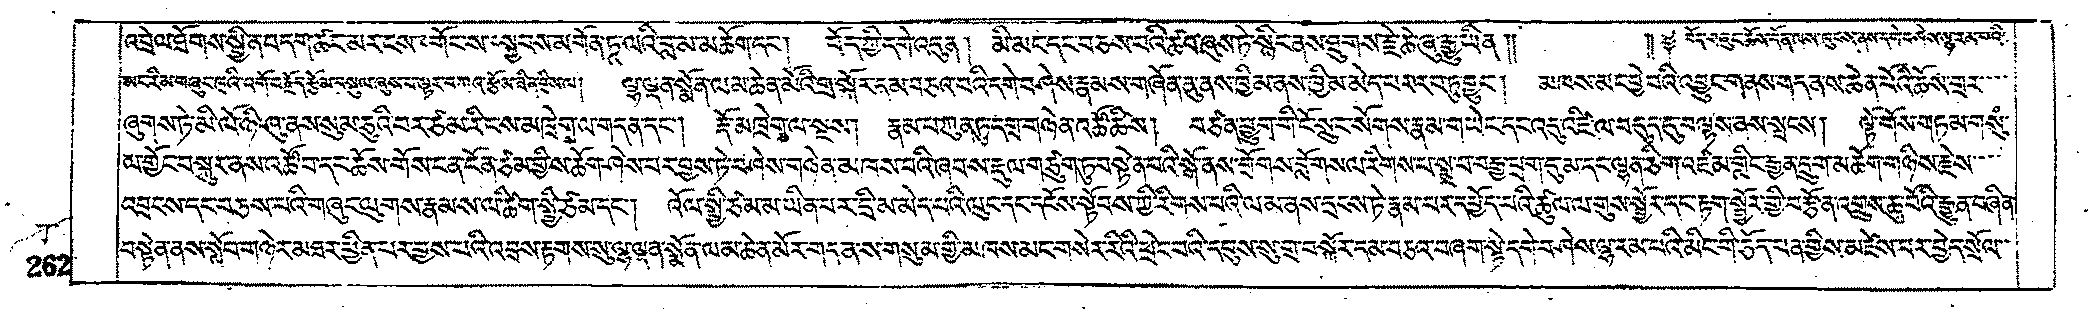འབྲེལ་ཐོགས་སྦྱིན་བདག་ཚང་མར་ངས ༧གོང་ས ༧སྐྱབས་མགོན་ཏཱ་ལའི་བླ་མ་མཆོག་དང་། བོད་ཀྱི་དགེ་འདུན། མི་མང་དང་བཅས་པའི་ཚབ་ཞུས་ཏེ་སྙིང་ནས་ཐུགས་རྗེ་ཆེ་ཞུ་རྒྱུ་ཡིན།། །། འ་བོད་གཞུང་ཆོས་དོན་ལས་ཁུངས་ནས་དགེ་བཤེས་ལྷ་རམ་པའི་
ཨང་རིམ་གཞུང་ཁྲའི་འགོ་བརྗོད་རྩོམ་བསྐུལ་ཞུས་པ་ལྟར་བཀའ་རྩོམ་ཟིན་བྲིས་ལ། ལྷ་ལྡན་སྨོན་ལམ་ཆེན་མོའི་གྲ་སྐོར་དམ་བཅའ་བའི་དགེ་བཤེས་རྣམས་གཞོན་ནུ་ནས་ཁྱིམ་ནས་ཁྱིམ་མེད་པར་རབ་ཏུ་བྱུང་། མཁས་མང་བྱེ་བའི་འབྱུང་གནས་གདན་ས་ཆེན་པོའི་ཆོས་གྲར་་་
ཞུགས་ཏེ་མི་ལོ་ཉི་ཤུ་ནས་སུམ་ཅུའི་བར་ཙམ་རིང་ས་མཁྲེགས་ལ་གདན་དང་། རྡོ་མཁྲེགས་ལ་སྔས། རྣམ་པ་ཀུན་ཏུ་དགྲ་གཉེན་འཚོ་ཚིས། བཙན་ཕྱུག་གི་ངོ་སྲུང་སོགས་རྣམ་གཡེང་དང་འདུ་འཛི་ལ་བདུད་དུ་བལྟས་ནས་སྤངས། ལྟོ་གོས་གཏམ་གསུཾ་
ལ་གྱོང་བསྐུར་ནས་འཚོ་བ་དང་ཆོས་གོས་ངན་ངོན་ཙམ་གྱིས་ཆོག་ཤེས་པར་བྱས་ཏེ་བཤེས་གཉེན་མཁས་པའི་ཞབས་རྡུལ་གཙུག་ཏུ་བསྟེན་པའི་སྒོ་ནས་གྲོགས་བློ་གསལ་རིགས་པ་སྨྲ་བ་བརྒྱ་ཕྲག་དུ་མ་དང་ལྷན་ཅིག་འཛམ་གླིང་རྒྱན་དྲུག་མཆོག་གཉིས་རྗེས་་་
འབྲངས་དང་བཅས་པའི་གཞུང་ལུགས་རྣམས་ལ་ཚིག་སྤྱི་ཙམ་དང་། འོལ་སྤྱི་ཙམ་མ་ཡིན་པར་དྲི་མ་མེད་པའི་ལུང་དང་དངོས་སྟོབས་ཀྱི་རིགས་པའི་ལམ་ནས་དྲངས་ཏེ་རྣམ་པར་དཔྱོད་པའི་ཚུལ་ལ་གུས་སྦྱོར་དང་རྟག་སྦྱོར་གྱི་བརྩོན་འགྲུས་ཆུ་བོའི་རྒྱུན་བཞིན་
བསྟེན་ནས་སློབ་གཉེར་མཐར་ཕྱིན་པར་བྱས་པའི་འབྲས་རྟགས་སུ་ལྷ་ལྡན་སྨོན་ལམ་ཆེན་མོར་གདན་ས་གསུམ་གྱི་མཁས་མང་གསེར་རིའི་ཕྲེང་བའི་དབུས་སུ་གྲ་བསྐོར་དམ་བཅའ་བཞག་སྟེ་དགེ་བཤེས་ལྷ་རམ་པའི་མིང་གི་ཅོད་པན་གྱིས་མཛེས་པར་བྱེད་སྲོལ་་་